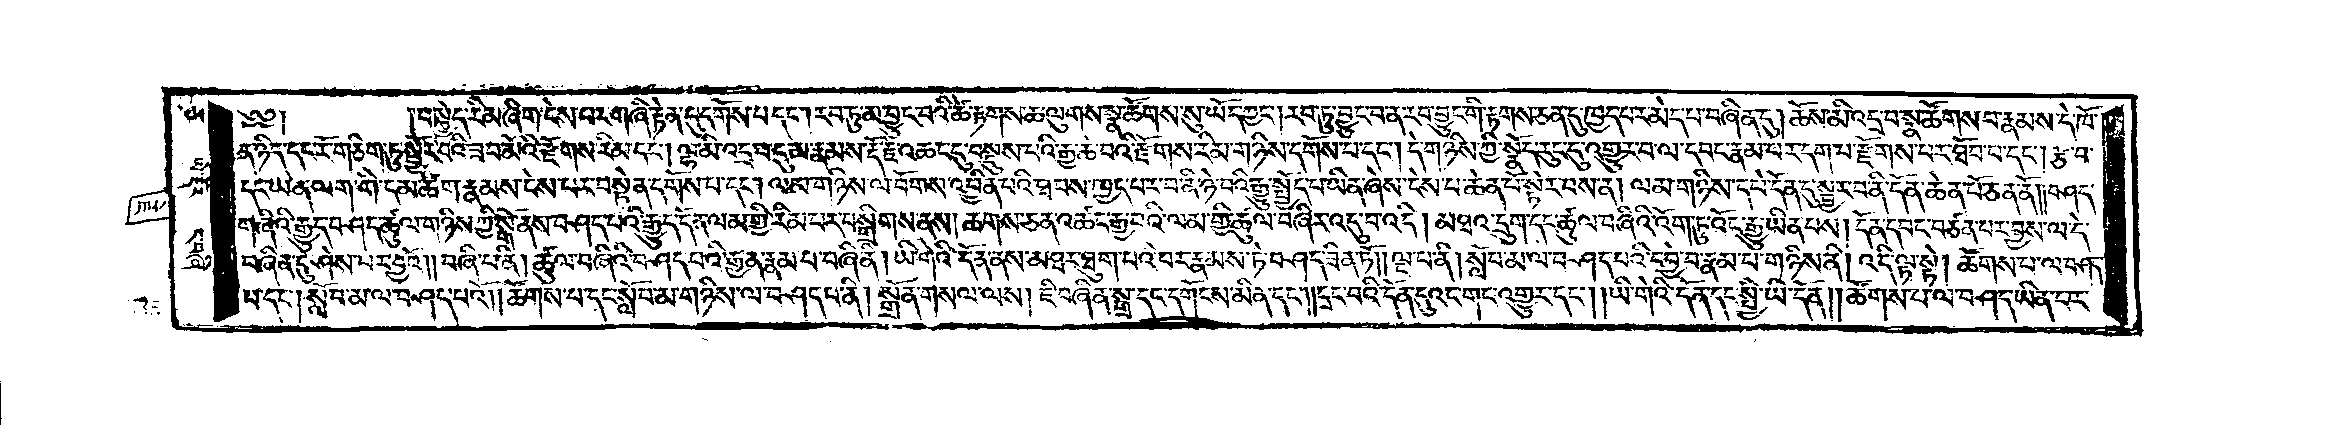༄༅། །བསྐྱེད་རིམ་ཞིག་ངེས་པར་གཞི་རྟེན་དུ་དགོས་པ་དང་། རབ་ཏུ་མ་བྱུང་བའི་ཚེ་རྟགས་ཆ་ལུགས་སྣ་ཚོགས་སུ་ཡོད་ཀྱང་། རབ་ཏུ་བྱུང་བ་ན་རབ་བྱུང་གི་རྟགས་ཅན་དུ་ཁྱད་པར་མེད་པ་བཞིན་དུ། ཆོས་མི་འདྲ་བ་སྣ་ཚོགས་པ་རྣམས་དེ་ཁོ་
ན་ཉིད་དང་རོ་གཅིག་ཏུ་སྦྱོར་བའི་ཟབ་མོའི་རྫོགས་རིམ་དང་། ལྷ་མི་འདྲ་བ་དུ་མ་རྣམས་རྡོ་རྗེ་འཆང་དུ་བསྡུས་པའི་རྒྱ་ཆེ་བའི་རྫོགས་རིམ་གཉིས་དགོས་པ་དང་། དེ་གཉིས་ཀྱི་སྣོད་རུང་དུ་འགྱུར་བ་ལ་དབང་རྣམ་པར་དག་པ་རྫོགས་པར་ཐོབ་པ་དང་། རྩ་བ་
དང་ཡན་ལག་གི་དམ་ཚིག་རྣམས་ངེས་པར་བསྟེན་དགོས་པ་དང་། ལམ་གཉིས་ལ་བོགས་འབྱིན་པའི་ཐབས་ཁྱད་པར་བ་ནི་ཉེ་བའི་རྒྱུ་སྤྱོད་པ་ཡིན་ཞེས་ངེས་པ་ཆེན་པོ་སྟེར་བས་ན། ལམ་གཉིས་དཔེ་དོན་དུ་སྦྱར་བ་ནི་དོན་ཆེན་པོ་ཅན་ནོ། །བཤད་
གཞིའི་རྒྱུད་བཤད་ཚུལ་གཉིས་ཀྱི་སྒོ་ནས་བཤད་པའི་རྒྱུད་དོན་ལམ་གྱི་རིམ་པར་བསྒྲིགས་ནས། ཆགས་ཅན་འཚང་རྒྱ་བའི་ལམ་གྱི་ཚུལ་བཞིར་འདུ་བ་འདི། མཐའ་དྲུག་དང་ཚུལ་བཞིའི་འོག་ཏུ་འོང་རྒྱུ་ཡིན་པས། དོན་དབང་བཙན་པར་བྱས་ལ་དེ་
བཞིན་དུ་ཤེས་པར་བྱའོ། །བཞི་པ་ནི། ཚུལ་བཞིའི་བཤད་པའི་རྒྱན་རྣམ་པ་བཞི་ནི། ཡི་གེའི་དོན་ནས་མཐར་ཐུག་པའི་བར་རྣམས་ཏེ་བཤད་ཟིན་ཏོ། །ལྔ་པ་ནི། སློབ་མ་ལ་བཤད་པའི་དབྱེ་བ་རྣམ་པ་གཉིས་ནི། འདི་ལྟ་སྟེ། ཚོགས་པ་ལ་བཤད་
པ་དང་། སློབ་མ་ལ་བཤད་པའོ། །ཚོགས་པ་དང་སློབ་མ་གཉིས་ལ་བཤད་པ་ནི། སྒྲོན་གསལ་ལས། ཇི་བཞིན་སྒྲ་དང་དགོངས་མིན་དང་། །དྲང་བའི་དོན་དུའང་གང་འགྱུར་དང་། །ཡི་གེའི་དོན་དང་སྤྱི་ཡི་དོན། །ཚོགས་པ་ལ་བཤད་ཡིན་པར་